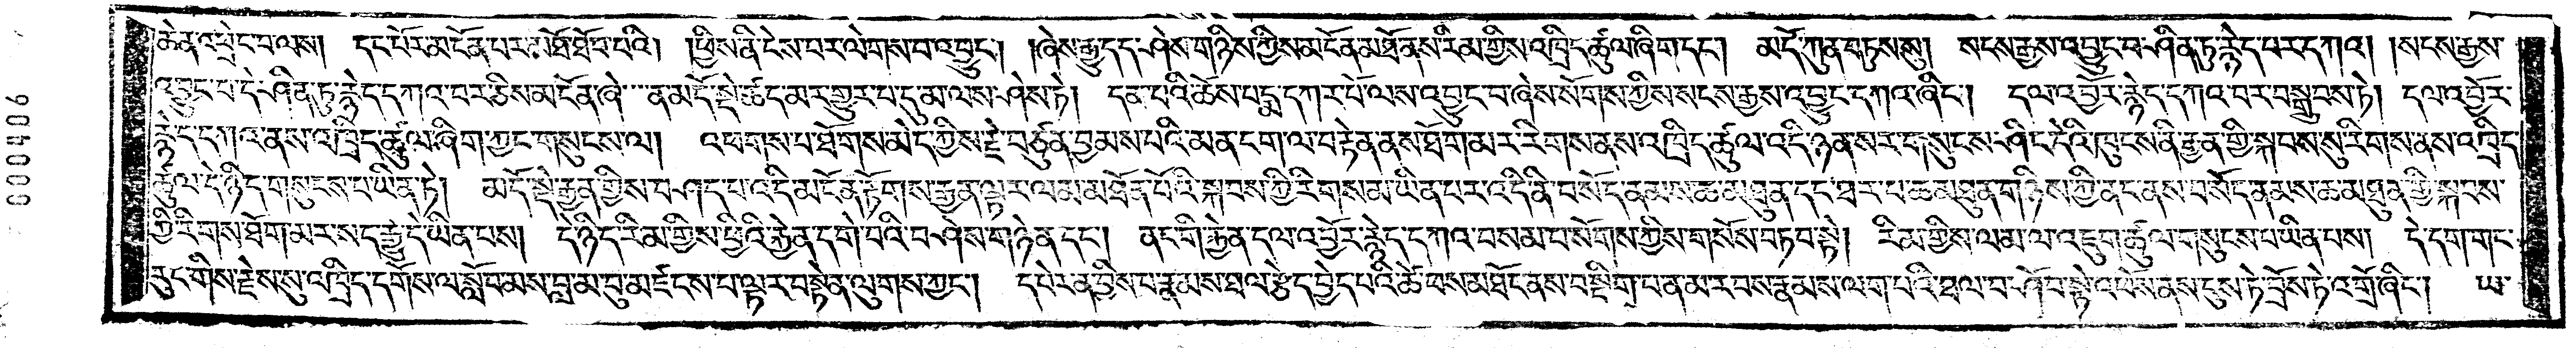ཆེན་འཕྲེང་བ་ལས། དང་པོར་མངོན་པར་མཐོ་ཐོབ་པའི། །ཕྱིས་ནི་ངེས་པར་ལེགས་པ་འབྱུང་། །ཞེས་རྒྱུད་ད་ཤེས་གཉིས་ཀྱིས་མངོན་མཐོ་ནས་རིམ་གྱིས་འཁྲིད་ཚུལ་ཞིག་དང་། མདོ་ཀུན་བཏུས་སུ། སངས་རྒྱས་འབྱུང་བ་ཤིན་ཏུ་རྙེད་པར་དཀའ། །སངས་རྒྱས་
འབྱུང་བ་དེ་ཤིན་ཏུ་རྙེད་དཀའ་བར་ཅིས་མངོན་ཞེ་ན་མདོ་སྡེ་ཚད་མར་གྱུར་པ་དུ་མ་ལས་ཤེས་ཏེ། དམ་པའི་ཆོས་པདམ་དཀར་པོ་ལས་འབྱུང་བ་ཞེས་སོགས་ཀྱིས་སངས་རྒྱས་འབྱུང་དཀའ་ཞིང་། དལ་འབྱོར་རྙེད་དཀའ་བར་བསྒྲུབས་ཏེ། དལ་འབྱོར་
རྙེད་དཀའ་ནས་འཁྲིད་ཚུལ་ཞིག་ཀྱང་གསུངས་ལ། འཕགས་པ་ཐོགས་མེད་ཀྱིས་རྗེ་བཙུན་བྱམས་པའི་མན་ངག་ལ་བརྟེན་ནས་ཐོག་མར་རིགས་ནས་འཁྲིད་ཚུལ་འདི་ཉན་སར་གསུངས་ཤིང་དེའི་ཁུངས་ནི་རྒྱན་གྱི་སྐབས་སུ་རིགས་ནས་འཁྲིད་
ཚུལ་དེ་ཉིད་གསུངས་པ་ཡིན་ཏེ། མདོ་སྡེ་རྒྱན་གྱིས་བཤད་པ་འདི་མངོན་རྟོགས་རྒྱན་ལྟར་ལམ་མཐོན་པོའི་སྐབས་ཀྱི་རིགས་མ་ཡིན་པར་འདི་ནི་བསོད་ནམས་ཆ་མཐུན་དང་ཐར་པ་ཆ་མཐུན་གཉིས་ཀྱི་ནང་ནས་བསོད་ནམས་ཆ་མཐུན་གྱི་སྐབས་
ཀྱི་རིགས་ཐོག་མང་སད་རྒྱུད་ཡིན་པས། དེ་ཉིད་རིམ་གྱིས་ཕྱིའི་རྐྱེན་དགེ་བའི་བཤེས་གཉེན་དང་། ནང་གི་རྐྱན་དལ་འབྱོར་རྙེད་དཀའ་བསམ་པ་སོགས་ཀྱིས་གསོས་བཏབ་སྟེ། རིམ་གྱིས་ལམ་ལ་འཇུག་ཚུལ་གསུངས་པ་ཡིན་པས། དེ་དག་གང་
རུང་གིས་རྗེས་སུ་འཁྲིད་དགོས་ལ་སློབ་མས་བླ་མ་བུ་མཛངས་པ་ལྟར་བསྟེན་ལུགས་ཀྱང་། དཔེར་ན་བྱིས་པ་རྣམས་ཐལ་རྩེད་བྱེད་པའི་ཚེ་ཕས་མཐོང་ནས་བསྡིགས་པ་ན་མ་རབས་རྣམས་ལག་པའི་ཐལ་བ་ཤོབ་སྟེ་འཕོས་ནས་བུས་ཏེ་པྲོས་ཏེ་འགྲོ་ཞིང་། ཡ་